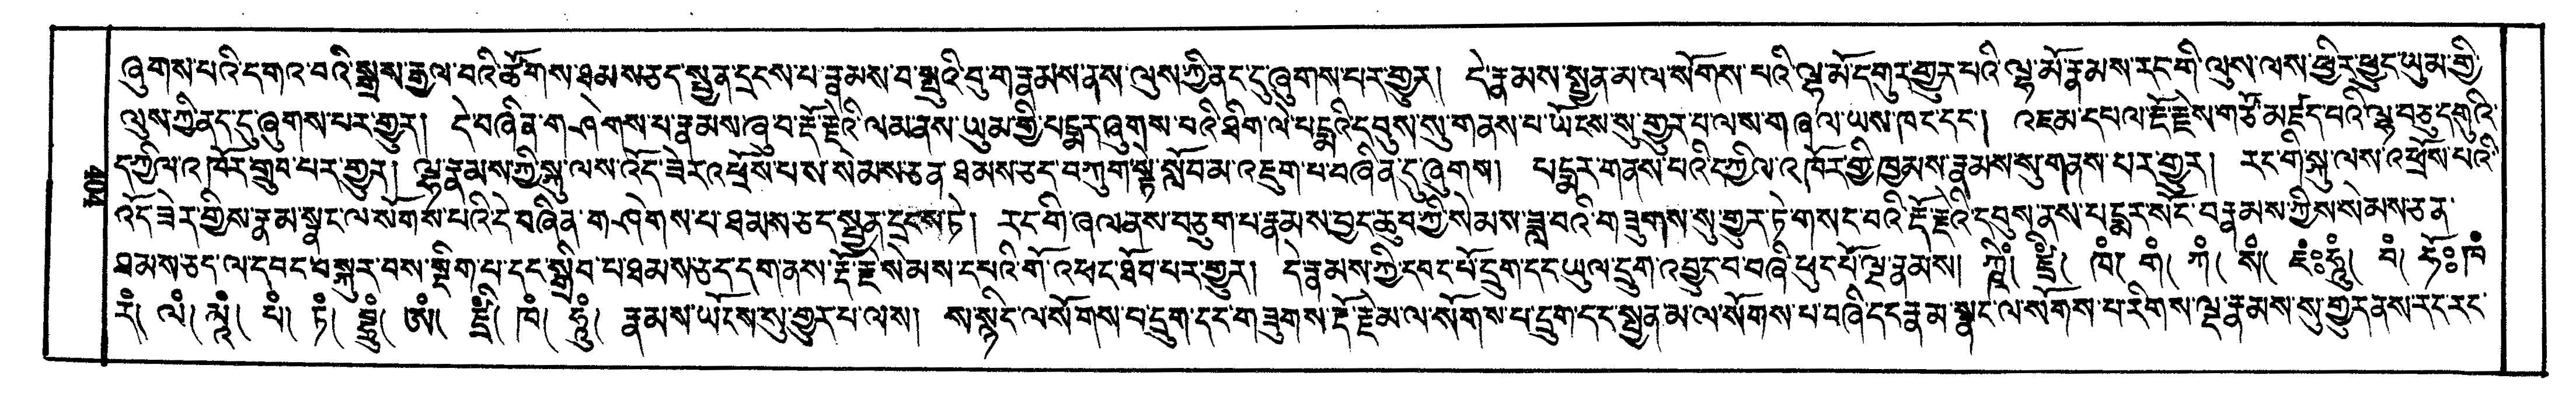ཞུགས་པའི་དགའ་བའི་སྒྲས་རྒྱལ་བའི་ཚོགས་ཐམས་ཅད་སྤྱན་དྲངས་པ་རྣམས་པ་སྦུའི་བུག་རྣམས་ནས་ལུས་ཀྱི་ནང་དུ་ཞུགས་པར་གྱུར། དེ་རྣམས་སྤྱན་མ་ལ་སོག་སའི་ལྷམ་མོ་དགུར་གྱུར་པའི་ལྷ་མོ་རྣམས་རང་གི་ལུས་ལས་ཕྱིར་ཕྱུང་ཡུམ་གྱི་
ལུས་ཀྱི་ནང་དུ་ཞུགས་པར་གྱུར། དེ་བཞིན་གཤེགས་པ་རྣམས་ཞུ་བ་རྡོ་རྗེའི་ལམ་ནས་ཡུམ་གྱི་པདམར་ཞུགས་པའི་ཐིག་ལེ་པདམའི་དབུས་སུ་གནས་པ་ཡོངས་སུ་གྱུར་པ་ལས་གཞལ་ཡས་ཁང་དང་། འཇམ་དཔལ་རྡོ་རྗེས་གཙོ་མཛད་པའི་ལྟ་བཅུ་དགུའི་
དཀྱིལ་འཁོར་གྲུབ་པར་གྱུར། ལྷ་རྣམས་ཀྱི་སྐུ་ལས་འོད་ཟེར་འཕྲོས་པས་སེམས་ཅན་ཐམས་ཅད་བཀུག་སྟེ་སློབ་མ་འཇུག་བ་བཞིན་དུ་ཞུགས། པདམར་གནས་པའི་དཀྱིལ་འཁོར་གྱི་ཁྱམས་རྣམས་སུ་གནས་པར་གྱུར། རང་གི་སྐུ་ལས་འཕྲོས་པའི་
འོད་ཟེར་གྱིས་རྣམ་སྣང་ལ་སོགས་པའི་དེ་བཞིན་གཤེགས་པ་ཐམས་ཅད་སྦྱན་དྲངས་ཏེ། རང་གི་ཞལ་ནས་བཅུག་པ་རྣམས་བྱང་ཆུབ་ཀྱི་སེམས་ཟླ་བའི་གཟུགས་སུ་གྱུར་ཏེ་གསང་བའི་རྡོ་རྗེའི་དབུས་ནས་པདམར་སོང་བ་རྣམས་ཀྱིས་སེམས་ཅན་
ཐམས་ཅད་ལ་དབང་བསྐུར་བས་སྡིག་པ་དང་སྒྲིབ་པ་ཐམས་ཅད་དག་ནས་རྡོ་རྗེ་སེམས་དཔའི་གོ་འཕང་ཐོབ་པར་གྱུར། དེ་རྣམས་ཀྱི་དབང་པོ་དྲུག་དང་ཡུལ་དྲུག་འབྱུང་བ་བཞི་ཕུང་པོ་ལྔ་རྣམས། ཀྵིཾ། ཛྲིཾ། ཁཾ༑ གཾ༑ ཀཾ༑ སཾ༑ ཛཿ ཧཱུཾ། བཾ། ཧོཿ ཁཾ་
རཾ༑ ལཾ༑ མདཾ༑ པཾ་ཏཾ། བྷྲུཾ༑ ཨཾ༑ ཛྲིཿ ཁཾ། ཧཱུཾ༑ རྣམས་ཡོངས་སུ་གྱུར་པ་ལས། ས་སྙིང་ལ་སོགས་པ་དྲུག་དང་གཟུགས་རྡོ་རྗེ་མ་ལ་སོགས་པ་དྲུག་དང་སྤྱན་མ་ལ་སོགས་པ་བཞི་དང་རྣམ་སྣང་ལ་སོགས་པ་རིགས་ལྔ་རྣམས་སུ་གྱུར་ནས་རང་རང་